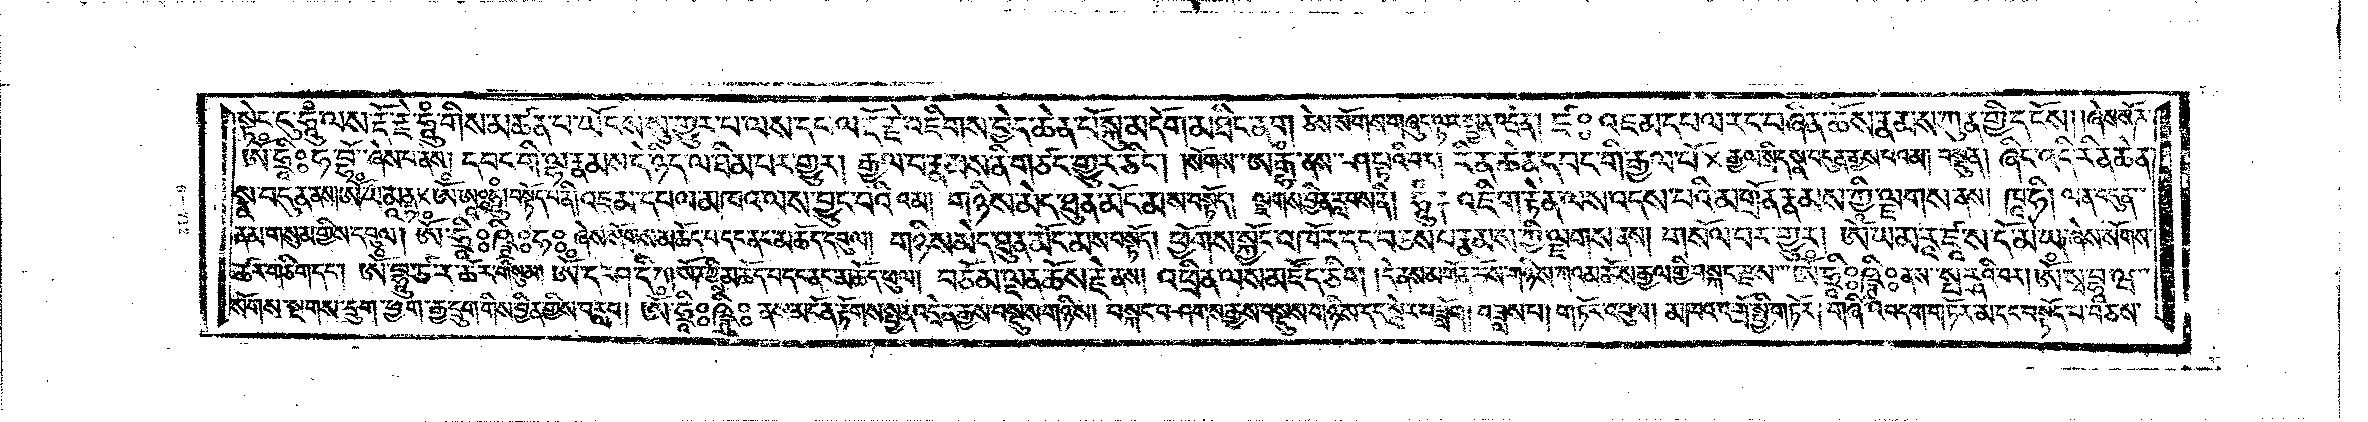སྟེང་དུ་ཧཱུཾ་ལས་རྡོ་རྗེ་ཧཱུཾ་གིས་མཚན་པ་ཡོངས་སུ་གྱུར་པ་ལས་དཔལ་རྡོ་རྗེ་འཇིགས་བྱེད་ཆེན་པོ་སྐུ་མདོག་མཐིང་ནག་ཅེས་སོགས་གཞུང་ལྟར་སྤྱན་འདྲེན།  ཛཿའཇམ་དཔལ་རང་བཞིན་ཆོས་རྣམས་ཀུན་གྱི་དངོས། །ཞེས་སོཌ
ཨོཾ་ཧྲཱིཿཧ་བྷོ་ཞེས་པ་ནས། དབང་གི་ལྷ་རྣམས་དེ་ཉིད་ལ་ཐིམ་པར་གྱུར། རྒྱལ་བ་རྣམས་ནི་གཙང་གྱུར་ཅིང་། །སོགས་ཨརྒྷཾ་ནས་ཤཔྟའི་བར། རིན་ཆེན་དབང་གི་རྒྱལ་པོ་྾་རྒྱལ་སྲིད་སྣ་བདུན་རྒྱས་པའམ། བསྡུ་ན།  ཞིང་འདི་རིན་ཆེན་
སྣ་བདུན་ནས། ཨོཾ་ཡ་མཱནྟ྾་ཨོཾ་ཨཱཿཧཱུཾ། བསྟོད་པ་ནི།  འཇམ་དཔལ་མཁའ་ལས་བྱུང་བའི་འམ། གཉིས་མེད་ཐུན་མོང་མས་བསྟོད། ལྗགས་བྱིན་རླབས་ནི།  ཧཱུཾ༑ འཇིག་རྟེན་ལས་འདས་པའི་མགྲོན་རྣམས་ཀྱི་ལྗགས་ནས། ཁཱ་ཧི། ལན་བདུན་
ནམ་གསུམ་གྱིས་དབུལ། ཨོཾ་ཧྲཱིཿཥྚྲཱིཿཧཿ ཞེས་སོགས་མཆོད་པ་དང་ནང་མཆོད་དབུལ།  གཉིས་མེད་ཐུན་མོང་མས་བསྟོད། ཕྱོགས་སྐྱོང་འཁོར་དང་བཅས་པ་རྣམས་ཀྱི་ལྗགས་ནས། གསོལ་བར་གྱུར། ཨོཾ་ཡ་མ་རཱ་ཛཱ་ས་དོ་མེ་ཡ༑ཞེས་སོགས་
ཚར་གཅིག་དང་། ཨོཾ་བྷཱུ་ཙ་ར་ཆོ་ར་གསུམ། ཨོཾ་ད་ཤ་དི་ཀ་སོཌ་ཀྱིས་མཆོད་པ་དང་ནང་མཆོད་ཕུལ།  བཅོམ་ལྡན་ཆོས་རྗེ་ནས། འཕྲིན་ལས་མཛོད་ཅིག་།དེ་ནས་མགོན་ཆོས་གཉིས་ཀའམ་ཆོས་རྒྱལ་གྱི་བསྐང་རྫས་ཨོཾ་ཧྲཱིཿཥྚཱིཿ ནས་སྤརྴའི་བར། ཨོཾ་སྭ་བྷཱ་ཝ་
སོགས་སྔགས་དྲུག་ཕྱག་རྒྱ་དྲུག་གིས་བྱིན་གྱིས་བརླབ།  ཨོཾ་ཧྲཱིཿཥྚྲཱིཿནས་མངོན་རྟོགས་སྤྱན་འདྲེན་རྒྱས་བསྡུས་གཉིས། བསྐང་བཤགས་རྒྱས་བསྡུས་གཉིས་དང་སྒེར་བཟློག། བཟླས་པ། གཏོར་འབུལ། མཁའ་འགྲོ་སྤྱི་གཏོར། གཞིའི་བདག་གཏོར་མ་དང་བསྟོད་པ་བཅས